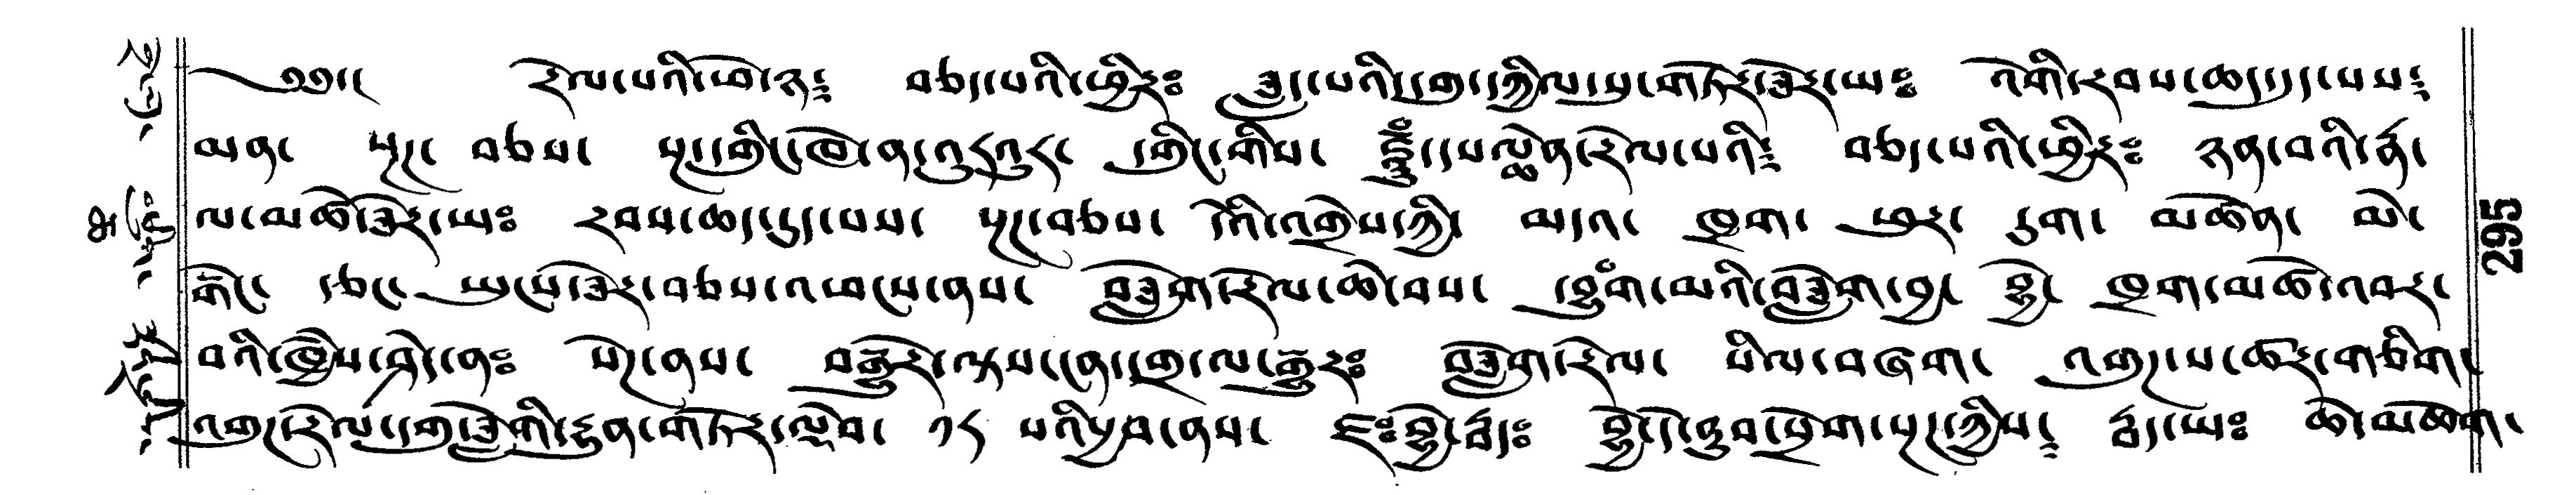རོལ་པའི་ཕོ་ཉ༴ བཅད་པའི་ཕྱིརཿ ཀླད་པའི་དཀྱིལ་སུ་གཏོར་ཟོར་ཡ༔ འོག་གི་རབས་ཆད་དུད་པས་
མན། སྔགས་བཅས་དགུ་ཐིང་ཁོ་ན། འུར་དགུ་ཐིང་གིས། ཧཱུྃ༔ དཔལ་ཆེན་རོལ་པའི༴ བཅད་པའི་ཕྱིརཿ ཉན་བའི་རྣ་
ལ་མཚེ་ཟོར་ཡ༔ རབས་ཆད་དུད་པ། སྔགས་བཅས། དེའི་འགྲེས་ཀྱི། མདའ། ཁྲག ཕུར།དུག མཚོན། མེ། 
སྒོང་། རྩང་། ཡུངས་ཟོར་བཅས་འཕངས་ནས། བཟློག་རོལ་ཆེ་བས། དབང་ཕྱུག་མའི་བཟློག་པ། བྷྱོ༔ ཁྲག་མཚོ་འབར་
བའི་ཁྱམས་ཤེད་ན༔ སོགས་ནས། བསྒྱུར་རོ་ལྟས་ངན་དགྲ་ལ་སྒྱུར༔ བཟློག་རོལ། སིལ། བཞག འགུགས་པ་ཚར་གཅིག 
འགུགས་རོལ་དགུ་ཟློག་གི་རྒྱུན་གཏོར་ལྡེབ་བཅོ་བརྒྱད་པའི་རྒྱབ་ནས། ཛཿབྷྱོ་རྦད༔ བྷྱོ༔དོ་ནུབ༴ སྲོག་སྔགས་ཀྱི། རྦད་ཡཿ ཆེ་མཆོག་